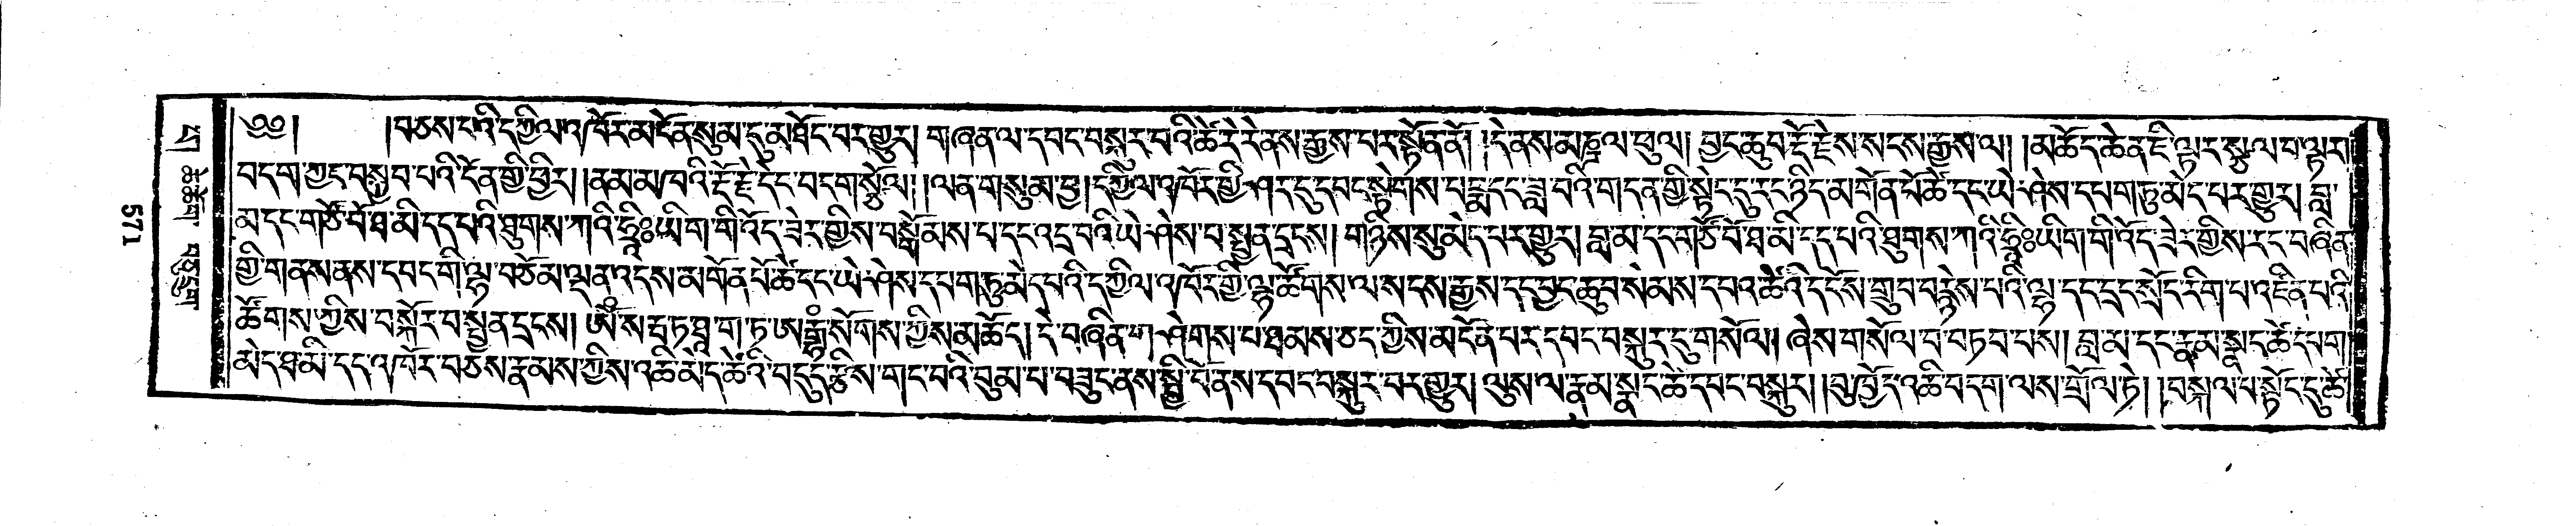༄༅། །བཅས་པའི་དཀྱིལ་འཁོར་མངོན་སུམ་དུ་མཐོང་བར་གྱུར། གཞན་ལ་དབང་བསྐུར་བའི་ཚེ་རེ་རེ་ནས་རྒྱས་པར་སྟོན་ནོ། །དེ་ནས་མཎྜལ་ཕུལ། བྱང་ཆུབ་རྡོ་རྗེས་སངས་རྒྱས་ལ། །མཆོད་ཆེན་ཇི་ལྟར་སྩལ་བ་ལྟར།
བདག་ཀྱང་བསྐྱབ་པའི་དོན་གྱི་ཕྱིར། །ནམ་མཁའི་རྡོ་རྗེ་དེང་བདག་སྩོལ། །ལན་གསུམ་བྱ། དཀྱིལ་འཁོར་གྱི་ཤར་དུ་དབང་སྟེགས་པདམ་དང་ཟླ་བའི་གདན་གྱི་སྟེང་དུ་རང་ཉིད་མགོན་པོ་ཚེ་དང་ཡེ་ཤེས་དཔག་ཏུ་མེད་པར་གྱུར། བླ་
མ་དང་གཙོ་བོ་ཐ་མི་དད་པའི་ཐུགས་ཀའི་ཧྲཱིཿ ཡིག་གི་འོད་ཟེར་གྱིས་བསྒོམས་པ་དང་འདྲ་བའི་ཡེ་ཤེས་པ་སྤྱན་དྲངས། གཉིས་སུ་མེད་པར་གྱུར། བླ་མ་དང་གཙོ་བོ་ཐ་མི་དད་པའི་ཐུགས་ཀའི་ཧྲཱིཿ ཡིག་གི་འོད་ཟེར་གྱིས་རང་བཞིན་
གྱི་གནས་ནས་དབང་གི་ལྷ་བཅོམ་ལྡན་འདས་མགོན་པོ་ཚེ་དང་ཡེ་ཤེས་དཔག་ཏུ་མེད་པའི་དཀྱིལ་འཁོར་གྱི་ལྷ་ཚོགས་ལ་སངས་རྒྱས་དང་བྱང་ཆུབ་སེམས་དཔའ་ཚེའི་དངོས་གྲུབ་བརྙེས་པའི་ལྷ་དང་དྲང་སྲོང་རིག་པ་འཛིན་པའི་
ཚོགས་ཀྱིས་བསྐོར་བ་སྤྱན་དྲངས། ཨོཾ་སརྦ་ཏ་ཐཱ་ག་ཏ་ཨརྒྷཾ་སོགས་ཀྱིས་མཆོད། དེ་བཞིན་གཤེགས་པ་ཐམས་ཅད་ཀྱིས་མངོན་པར་དབང་བསྐུར་དུ་གསོལ། ཞེས་གསོལ་བ་བཏབ་པས། བླ་མ་དང་རྣམ་སྣང་ཚེ་དཔག་
མེད་ཐ་མི་དད་འཁོར་བཅས་རྣམས་ཀྱིས་འཆི་མེད་ཚེའི་བདུད་རྩིས་གང་བའི་བུམ་པ་བཟུང་ནས་སྤྱི་བོ་ནས་དབང་བསྐུར་བར་གྱུར། ལུས་ལ་རྣམ་སྣང་ཚེ་དབང་བསྐུར། །བུ་ཁྱོད་འཆི་བདག་ལས་གྲོལ་ཏེ། །བསྐལ་པ་སྟོང་དུ་ཚེ་